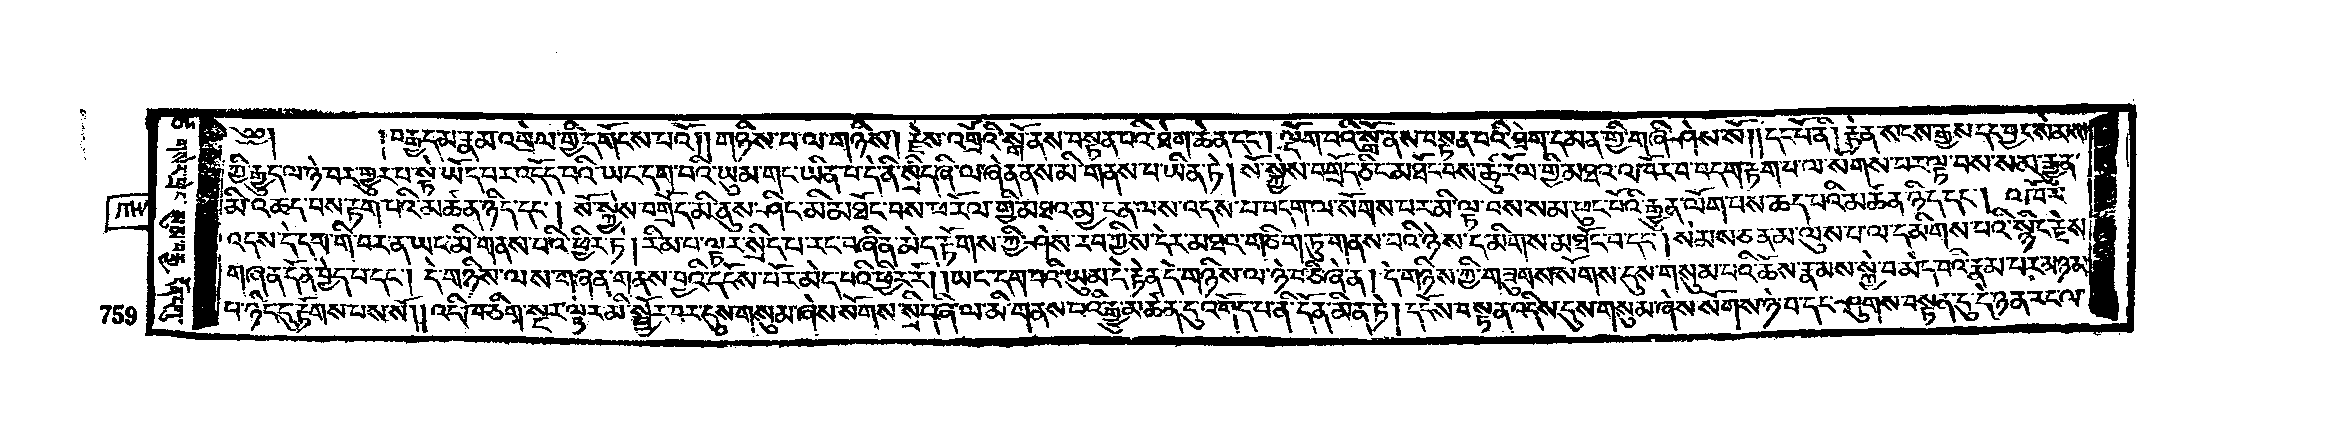༄༅། །བརྒྱད་མ་རྣམ་འགྲེལ་གྱི་དགོངས་པའོ། །གཉིས་པ་ལ་གཉིས། རྗེས་འགྲོའི་སྒོ་ནས་བསྟན་པའི་ཐེག་ཆེན་དང་། ལྡོག་པའི་སྒོ་ནས་བསྟན་པའི་ཐེག་དམན་གྱི་གཞི་ཤེས་སོ། །དང་པོ་ནི། རྟེན་སངས་རྒྱས་དང་བྱང་སེམས་
ཀྱི་རྒྱུད་ལ་ཉེ་བར་གྱུར་པ་སྟེ་ཡོད་པར་འདོད་པའི་ཡང་དག་པའི་ཡུམ་གང་ཡིན་པ་དེ་ནི་སྲིད་ཞི་ལ་ཞེན་ནས་མི་གནས་པ་ཡིན་ཏེ། སོ་སྐྱེས་བགྲོད་ཅིང་མཐོང་བས་ཚུ་རོལ་གྱི་མཐའ་འཁོར་བ་བདག་རྟག་པ་ལ་སོགས་པར་ལྟ་བས་སམ་རྒྱུན་
མི་འཆད་པས་རྟག་པའི་མཚན་ཉིད་དང་། སོ་སྐྱེས་བགྲོད་མི་ནུས་ཤིང་མི་མཐོང་བས་ཕ་རོལ་གྱི་མཐའ་མྱ་ངན་ལས་འདས་པ་བདག་ལ་སོགས་པར་མི་ལྟ་བས་སམ་ཕུང་པོའི་རྒྱུན་ལོག་པས་ཆད་པའི་མཚན་ཉིད་དང་། འཁོར་
འདས་དེ་དག་གི་བར་ན་ཡང་མི་གནས་པའི་ཕྱིར་ཏེ། རིམ་པ་ལྟར་སྲིད་པ་རང་བཞིན་མེད་རྟོགས་ཀྱི་ཤེས་རབ་ཀྱིས་དེར་མཐའ་གཅིག་ཏུ་གནས་པའི་ཉེས་དམིགས་མཐོང་བ་དང་། སེམས་ཅན་མ་ལུས་པ་ལ་དམིགས་པའི་སྙིང་རྗེས་
གཞན་དོན་བྱེད་པ་དང་། དེ་གཉིས་ལས་གཞན་གནས་བྱའི་དངོས་པོར་མེད་པའི་ཕྱིར་རོ། །ཡང་དག་པའི་ཡུམ་དེ་རྟེན་དེ་གཉིས་ལ་ཉེ་བ་ཅི་ཞེ་ན། དེ་གཉིས་ཀྱི་གཟུགས་སོགས་དུས་གསུམ་པའི་ཆོས་རྣམས་སྐྱེ་བ་མེད་པའི་རྣམ་པར་མཉམ་
པ་ཉིད་དུ་རྟོགས་པས་སོ། །འདི་ཁ་ཅིག་སྔར་ལྟར་མི་སྦྱོར་བར་དུས་གསུམ་ཞེས་སོགས་སྲིད་ཞི་ལ་མི་གནས་པའི་རྒྱུ་མཚན་དུ་འགོད་པ་ནི་དོན་མིན་ཏེ། དངོས་བསྟན་འདིས་དུས་གསུམ་ཞེས་སོགས་ཉེ་བ་དང་ཤུགས་བསྟན་དུ་དེ་ཉན་རང་ལ་